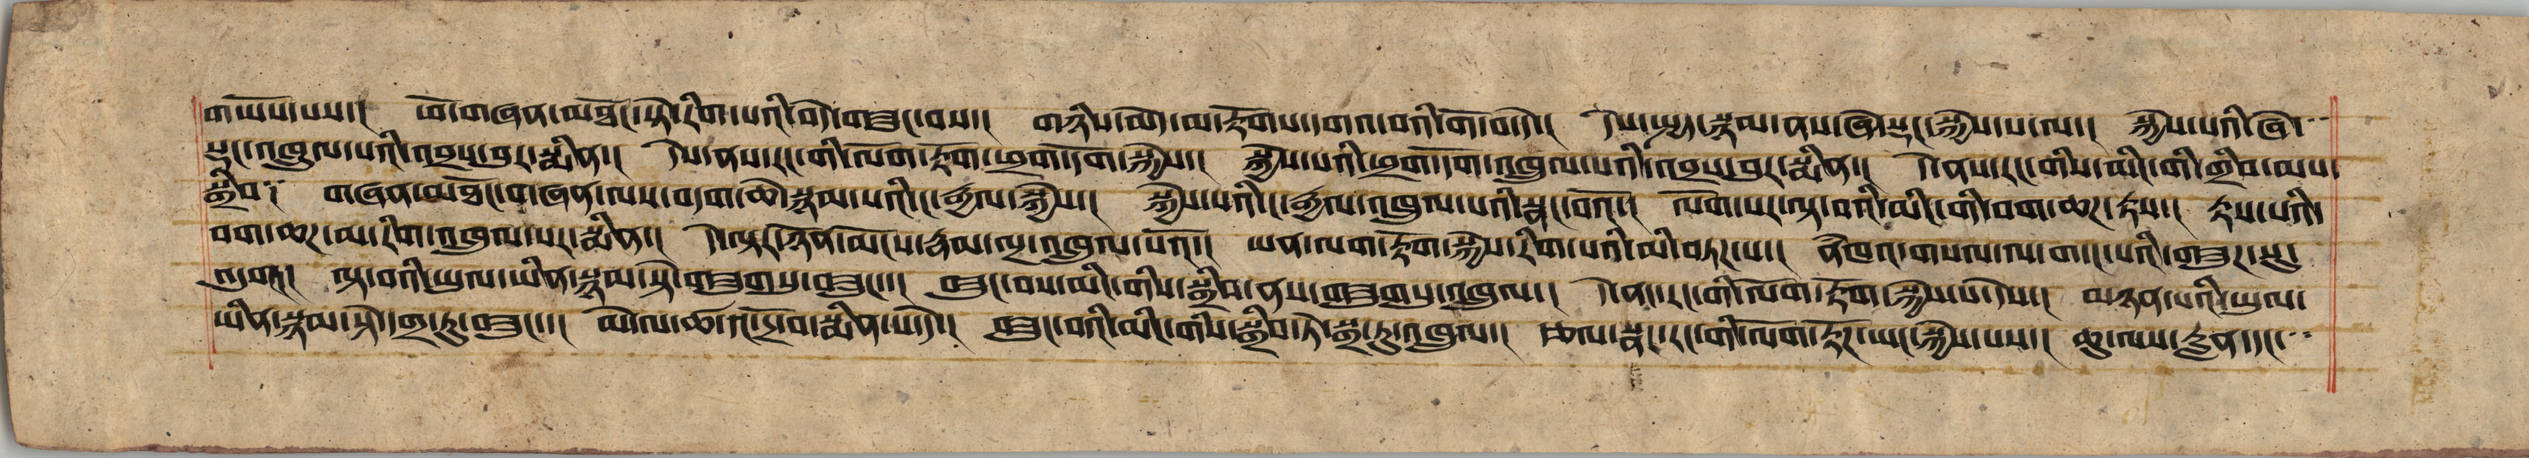གཡོས་པས་། ཕོ་གཞན་མཐོང་སྟེ་རིག་པའི་བདེ་གཟུང་བས་། གཉིས་མེད་མ་རྟོགས་དགའ་བའི་གོ་བ་དེ་། དེས་སྤྱད་རྙམ་ནས་ཞེ་སྡང་སྐྱེས་པ་ལ་། སྐྱེས་པའི་ཞེ་
སྡང་འཁྲུལ་པའི་འབྲས་བུར་སྨིན་། དེས་ནས་རང་གི་ལོག་རྟོག་ཕྲག་དོག་སྐྱེས་། སྐྱེས་པའི་ཕྲག་དོག་འཁྲུལ་པའི་འབྲས་བུར་སྨིན་། དེ་ནས་རང་གིས་མིང་གི་གྲིབ་མས་
སྒྲིབ༑ གཞན་མཐོང་གཞན་ལས་བདག་ཆེ་སྙམ་པའི་ང་རྒྱལ་སྐྱེས་། སྐྱེས་པའི་ང་རྒྱལ་འཁྲུལ་པའི་སྣང་བའོ་། ལོག་པར་ལྟ་བའི་མིང་གི་བག་ཆཌ་རྟས་། རྟས་པའི་
བག་ཆཌ་མ་རིག་འཁྲུལ་པར་སྨིན་། དེ་ལྟར་ཉོན་མོངས་རྣམ་ལྔ་འཁྲུལ་པའོ་། ཡན་ལག་རྟོག་སྐྱེས་རིག་པའི་མི་བཏཌ་པ་། ནཾཁའ་གསལ་ལ་གདང་པའི་གཟུཌ་སུ
འདུག། ལྟ་བའི་ཡུལ་ཡིན་སྙམ་སྟེ་གཟུགསུ་བཟུང་་། བཟུང་བས་མིང་གིས་སྒྲིབ་ནས་གཟུགསུ་འཁྲུལ་། དེ་ནང་རང་གི་ལོག་རྟོག་སྐྱེས་པ་དེས་། མཉན་པའི་ཡུལ་
ཡིན་སྙམ་སྟེ་དགྲ་རུ་བཟུང་་། མེ་ལ་ཚ་དང་དྲོ་བ་སྨིན་པ་དེ་། བཟུང་བའི་མིང་གིས་སྒྲིབ་ཏེ་སྒྲ་རུ་འཁྲུལ་། རྩལ་སྣང་རང་གི་ལོག་རྟོཌ་ཡང་སྐྱེས་པས་། ཆུ་ལས་རླན་དང་